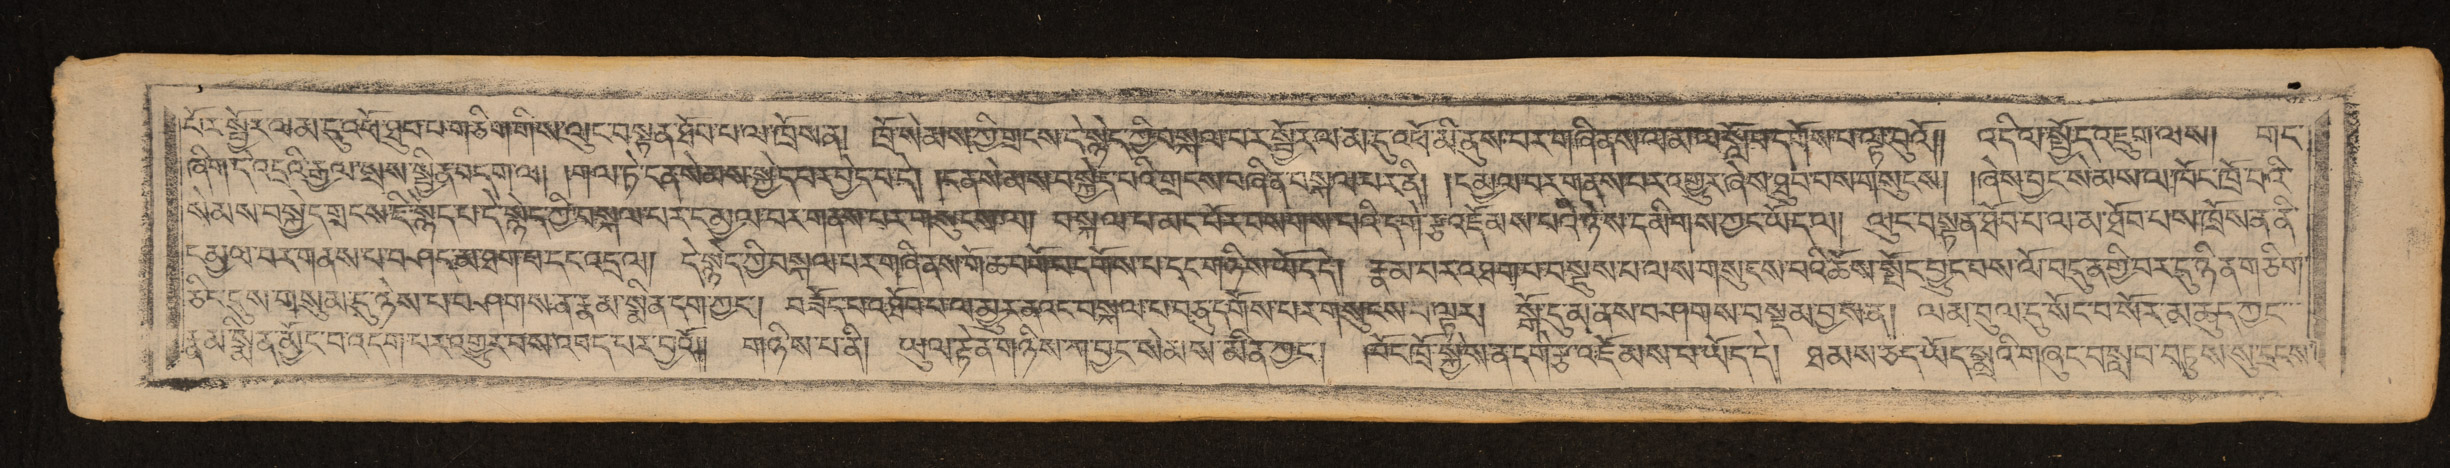པོར་སྦྱོར་ལམ་དུ་འཕོ་ཐུབ་པ་ཞིག་གིས་ལུང་བསྟན་ཐོབ་པ་ལ་ཁྲོས་ན། ཁྲོ་སེམས་ཀྱི་གྲངས་དེ་སྙེད་ཀྱི་བསྐལ་པར་སྦྱོར་ལམ་དུ་འཕོ་མི་ནུས་པར་གཞི་ནས་ལམ་ལ་སློབ་དགོས་པ་ལྟ་བུའོ།། འདི་ལ་སྤྱོད་འཇུག་ལས། གང་
ཞིག་དེ་འདྲའི་རྒྱལ་སྲས་སྦྱིན་བདག་ལ། །གལ་ཏེ་ངན་སེམས་སྐྱེད་པར་བྱེད་པ་དེ། །ངན་སེམས་བསྐྱེད་པའི་གྲངས་བཞིན་བསྐལ་པར་ནི། །དམྱལ་བར་གནས་པར་འགྱུར་ཞེས་ཐུབ་པས་གསུངས། །ཞེས་བྱང་སེམས་ལ་ཁོང་ཁྲོ་བའི་
སེམས་བསྐྱེད་གྲངས་ཇི་སྙེད་པ་དེ་སྙེད་ཀྱི་བསྐལ་པར་དམྱལ་བར་གནས་པར་གསུངས་ལ། བསྐལ་པ་མང་པོར་བསགས་པའི་དགེ་རྩ་འཇོམས་པའི་ཉེས་དམིགས་ཀྱང་ཡོད་ལ། ལུང་བསྟན་ཐོབ་པ་ལ་མ་ཐོབ་པས་ཁྲོས་ན་ནི་
དམྱལ་བར་གནས་པ་བཤད་མ་ཐག་པ་དང་འདྲ་ལ། དེ་སྙེད་ཀྱི་བསྐལ་པར་གཞི་ནས་གོ་ཆ་བགོ་བ་དགོས་པ་དང་གཉིས་ཡོད་དེ། རྣམ་པར་འཐག་པ་བསྡུས་པ་ལས་གསུངས་པའི་ཆོས་སྤོང་བྱུང་བས་ལོ་བདུན་གྱི་བར་དུ་ཉིན་གཅིག་
ཅིང་དུས་གསུམ་དུ་ཉེས་པ་བཤགས་ན་རྣམ་སྨིན་དག་ཀྱང་། བཟོད་པ་འཐོབ་པ་ལ་མྱུར་ནའང་བསྐལ་པ་བཅུ་དགོས་པར་གསུངས་པ་ལྟར། སྒོ་དུ་མ་ནས་བཤགས་བསྡམ་བྱས་ན། ལམ་བུལ་དུ་སོང་བ་སོར་མ་ཆུད་ཀྱང་
རྣམ་སྨིན་མྱོང་བ་འདག་པར་འགྱུར་བས་འབད་པར་བྱའོ།། གཉིས་པ་ནི། ཡུལ་རྟེན་གཉིས་ཀ་བྱང་སེམས་མིན་ཀྱང་། ཁོང་ཁྲོ་སྐྱེས་ན་དགེ་རྩ་འཇོམས་པ་ཡོད་དེ། ཐམས་ཅད་ཡོད་སྨྲའི་གཞུང་བསླབ་བཏུས་སུ་དྲངས་